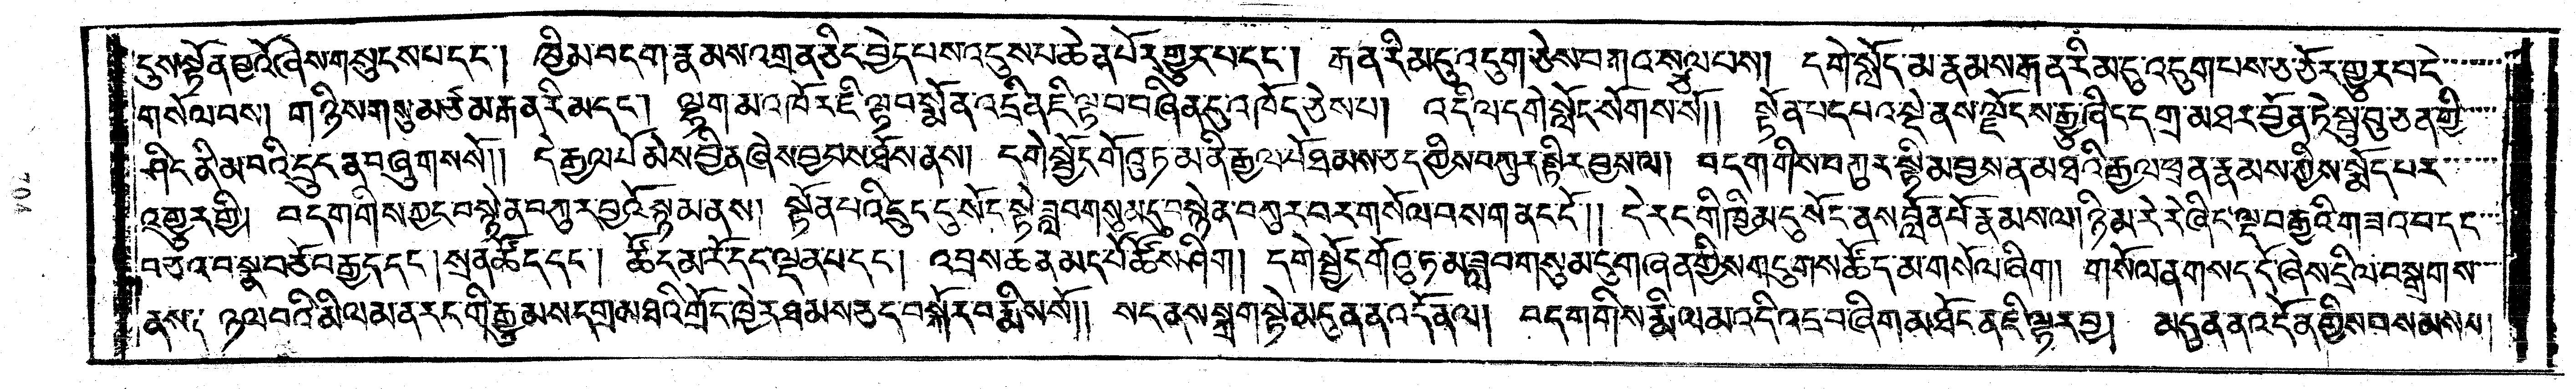དུས་སྟོན་བྱའོ་ཞེས་གསུངས་པ་དང་། ཁྱིམ་བདག་རྣམས་འགྲན་ཅིང་བྱེད་པས་འདུས་པ་ཆེན་པོར་གྱུར་པ་དང་། རྒན་རིམ་དུ་འདུག་ཅེས་བཀའ་སྩལ་པས། དགེ་སློང་མ་རྣམས་རྒན་རིམ་དུ་འདུག་པས་ཅ་ཅོར་གྱུར་པ་དེ་
གསོལ་བས། གཉིས་གསུམ་ཙམ་རྒན་རིམ་དང་། ལྷག་མ་འཁོར་ཇི་ལྟ་བ་སྨོན་འདྲིན་ཇི་ལྟ་བ་བཞིན་དུ་འཁོད་ཅེས་པ། འདི་ལ་དགེ་སློང་སོགས་སོ།། སྟོན་པ་དཔའ་སྡེ་ནས་ལྗོངས་རྒྱུ་ཞིང་དགྲ་མཐར་བྱོན་ཏེ་སྦུ་བུ་ཅན་གྱི་
ཤིང་ནི་མ་བའི་དྲུང་ན་བཞུགས་སོ།། དེ་རྒྱལ་པོ་མེས་བྱིན་ཞེས་བྱ་བས་ཐོས་ནས། དགེ་སྦྱོང་གོའུ་ཏ་མ་ནི་རྒྱལ་པོ་ཐམས་ཅད་ཀྱིས་བཀུར་སྟིར་བྱས་ལ། བདག་གིས་བཀུར་སྟི་མ་བྱས་ན་མཐའི་རྒྱལ་ཕྲན་རྣམས་ཀྱིས་སྨོད་པར་
འགྱུར་གྱི། བདག་གིས་ཀྱང་བསྙེན་བཀུར་བྱའོ་སྙམ་ནས། སྟོན་པའི་དྲུང་དུ་སོང་སྟེ་ཟླ་བ་གསུམ་དུ་བསྙེན་བཀུར་བར་གསོལ་བས་གནང་ངོ།། དེ་རང་གི་ཁྱིམ་དུ་སོང་ནས་བློན་པོ་རྣམས་ལ། ཉི་མ་རེ་རེ་ཞིང་ལྔ་བརྒྱའི་གཟའ་བ་དང་
བཅའ་བ་སྣ་བཅོ་བརྒྱད་དང་། སྲན་ཚོད་དང་། ཚོད་མ་རོ་དང་ལྡན་པ་དང་། འབྲས་ཆན་མང་པོ་ཚོས་ཤིག། དགེ་སྦྱོང་གོའུ་ཏ་མ་ཟླ་བ་གསུམ་དུ་གཞན་གྱིས་གདུགས་ཚོད་མ་གསོལ་ཞིག། གསོལ་ན་གསད་དོ་ཞེས་དྲིལ་བསྒྲགས་
ནས༑ ཉལ་བའི་མི་ལམ་ན་རང་གི་རྒྱུ་མས་དགྲ་མཐའི་གྲོང་ཁྱེར་ཐམས་ཅད་བསྐོར་བ་རྨིས་སོ།། སང་ནས་སྐྲག་སྟེ་མདུན་ན་འདོན་ལ། བདག་གིས་རྨི་ལམ་འདི་འདྲ་བ་ཞིག་མཐོང་ན་ཇི་ལྟར་བྱ། མདུན་ན་འདོན་གྱིས་བསམས་པ།